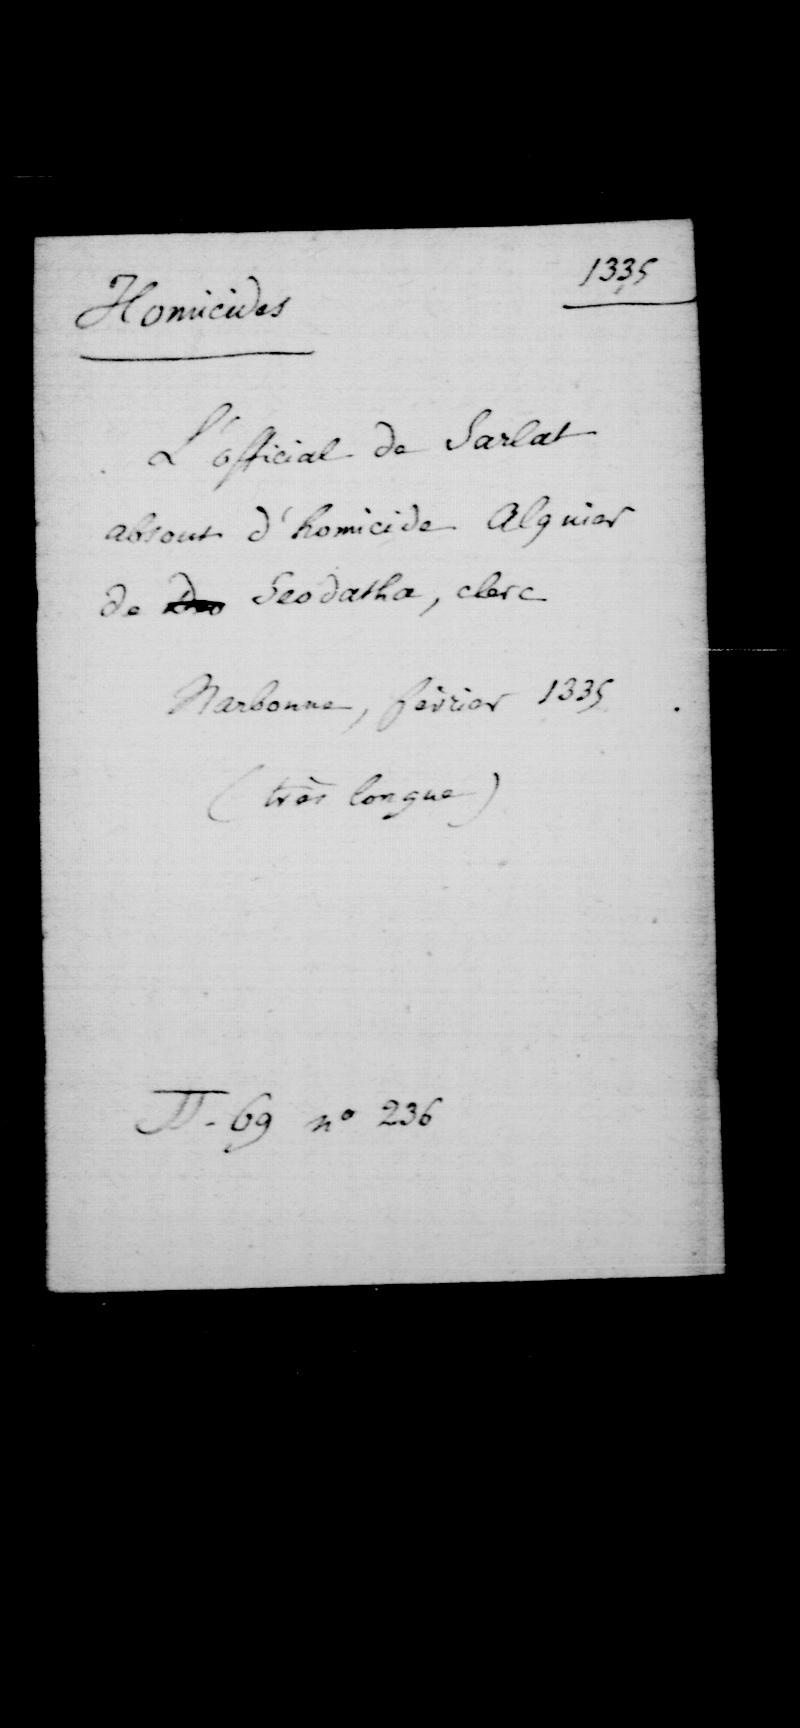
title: Homicides
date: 1335
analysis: L’official de Sarlat absout d’homicide Alquier de Seodatha, clerc Narbonne, février 1335 (très longue)
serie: JJ
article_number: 69
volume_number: n° 236
